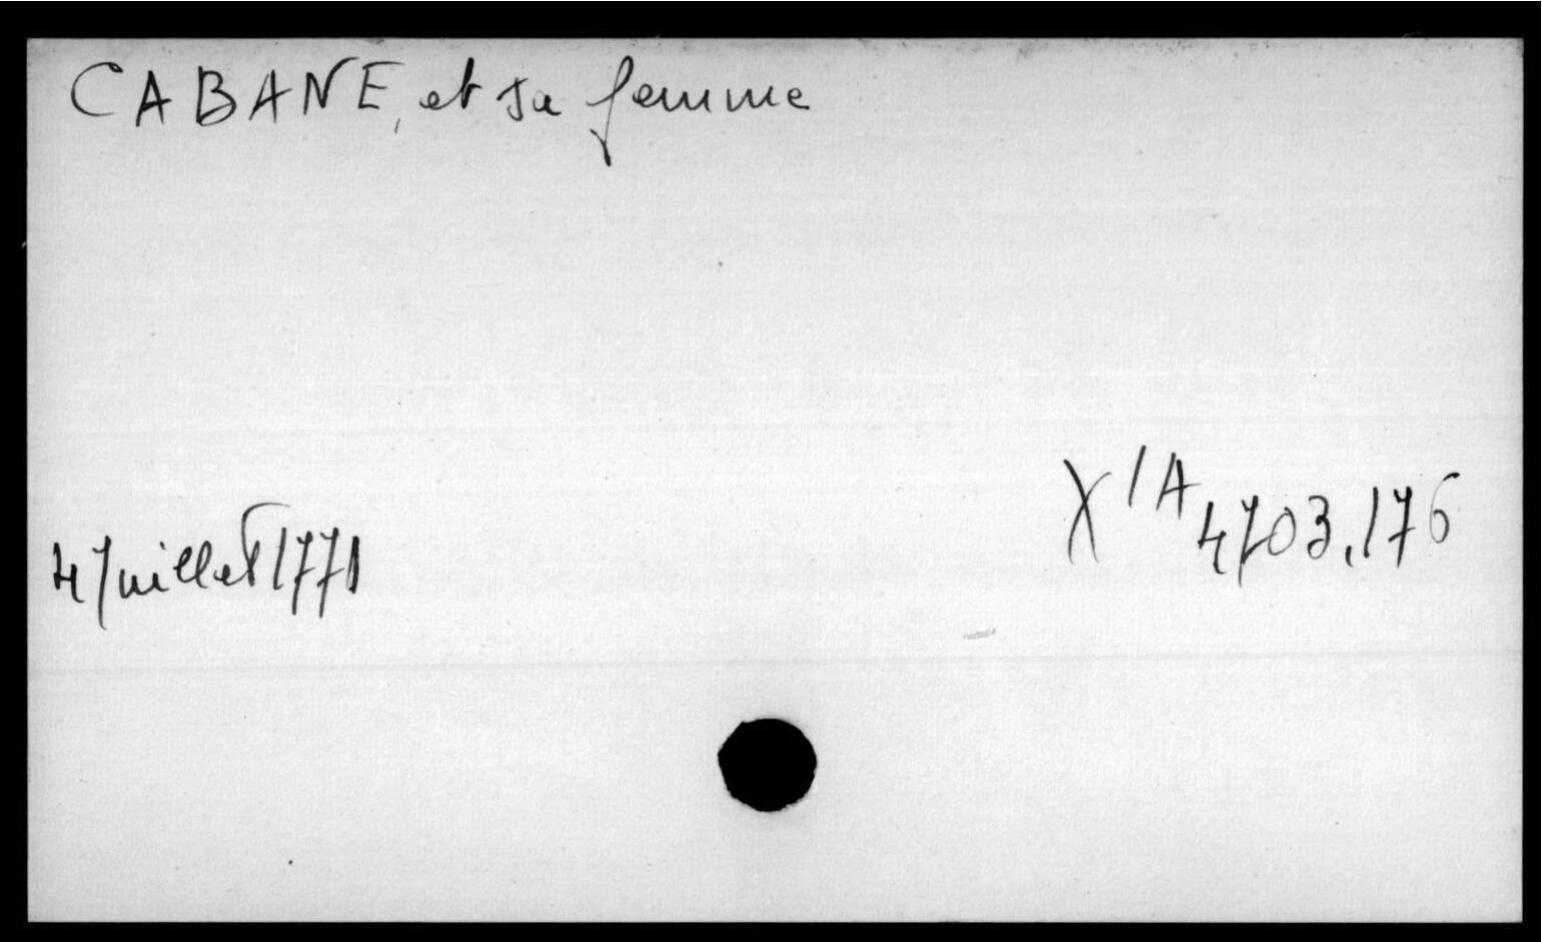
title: CABANE et sa femme
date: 4 juillet 1771
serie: X1A
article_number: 4703
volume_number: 176
